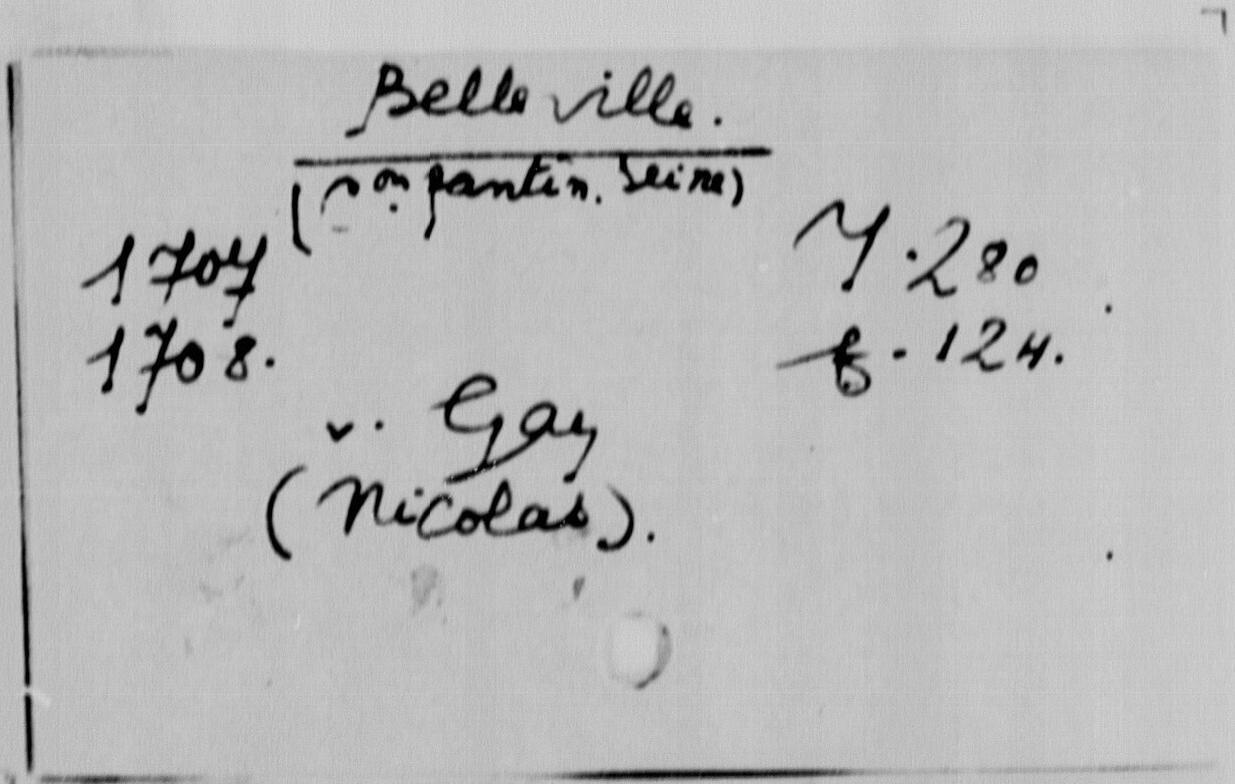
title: Belleville (circonscription Pantin, Seine)
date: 1707-1708
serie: Y
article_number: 280
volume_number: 124
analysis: Voir Gay (Nicolas)
